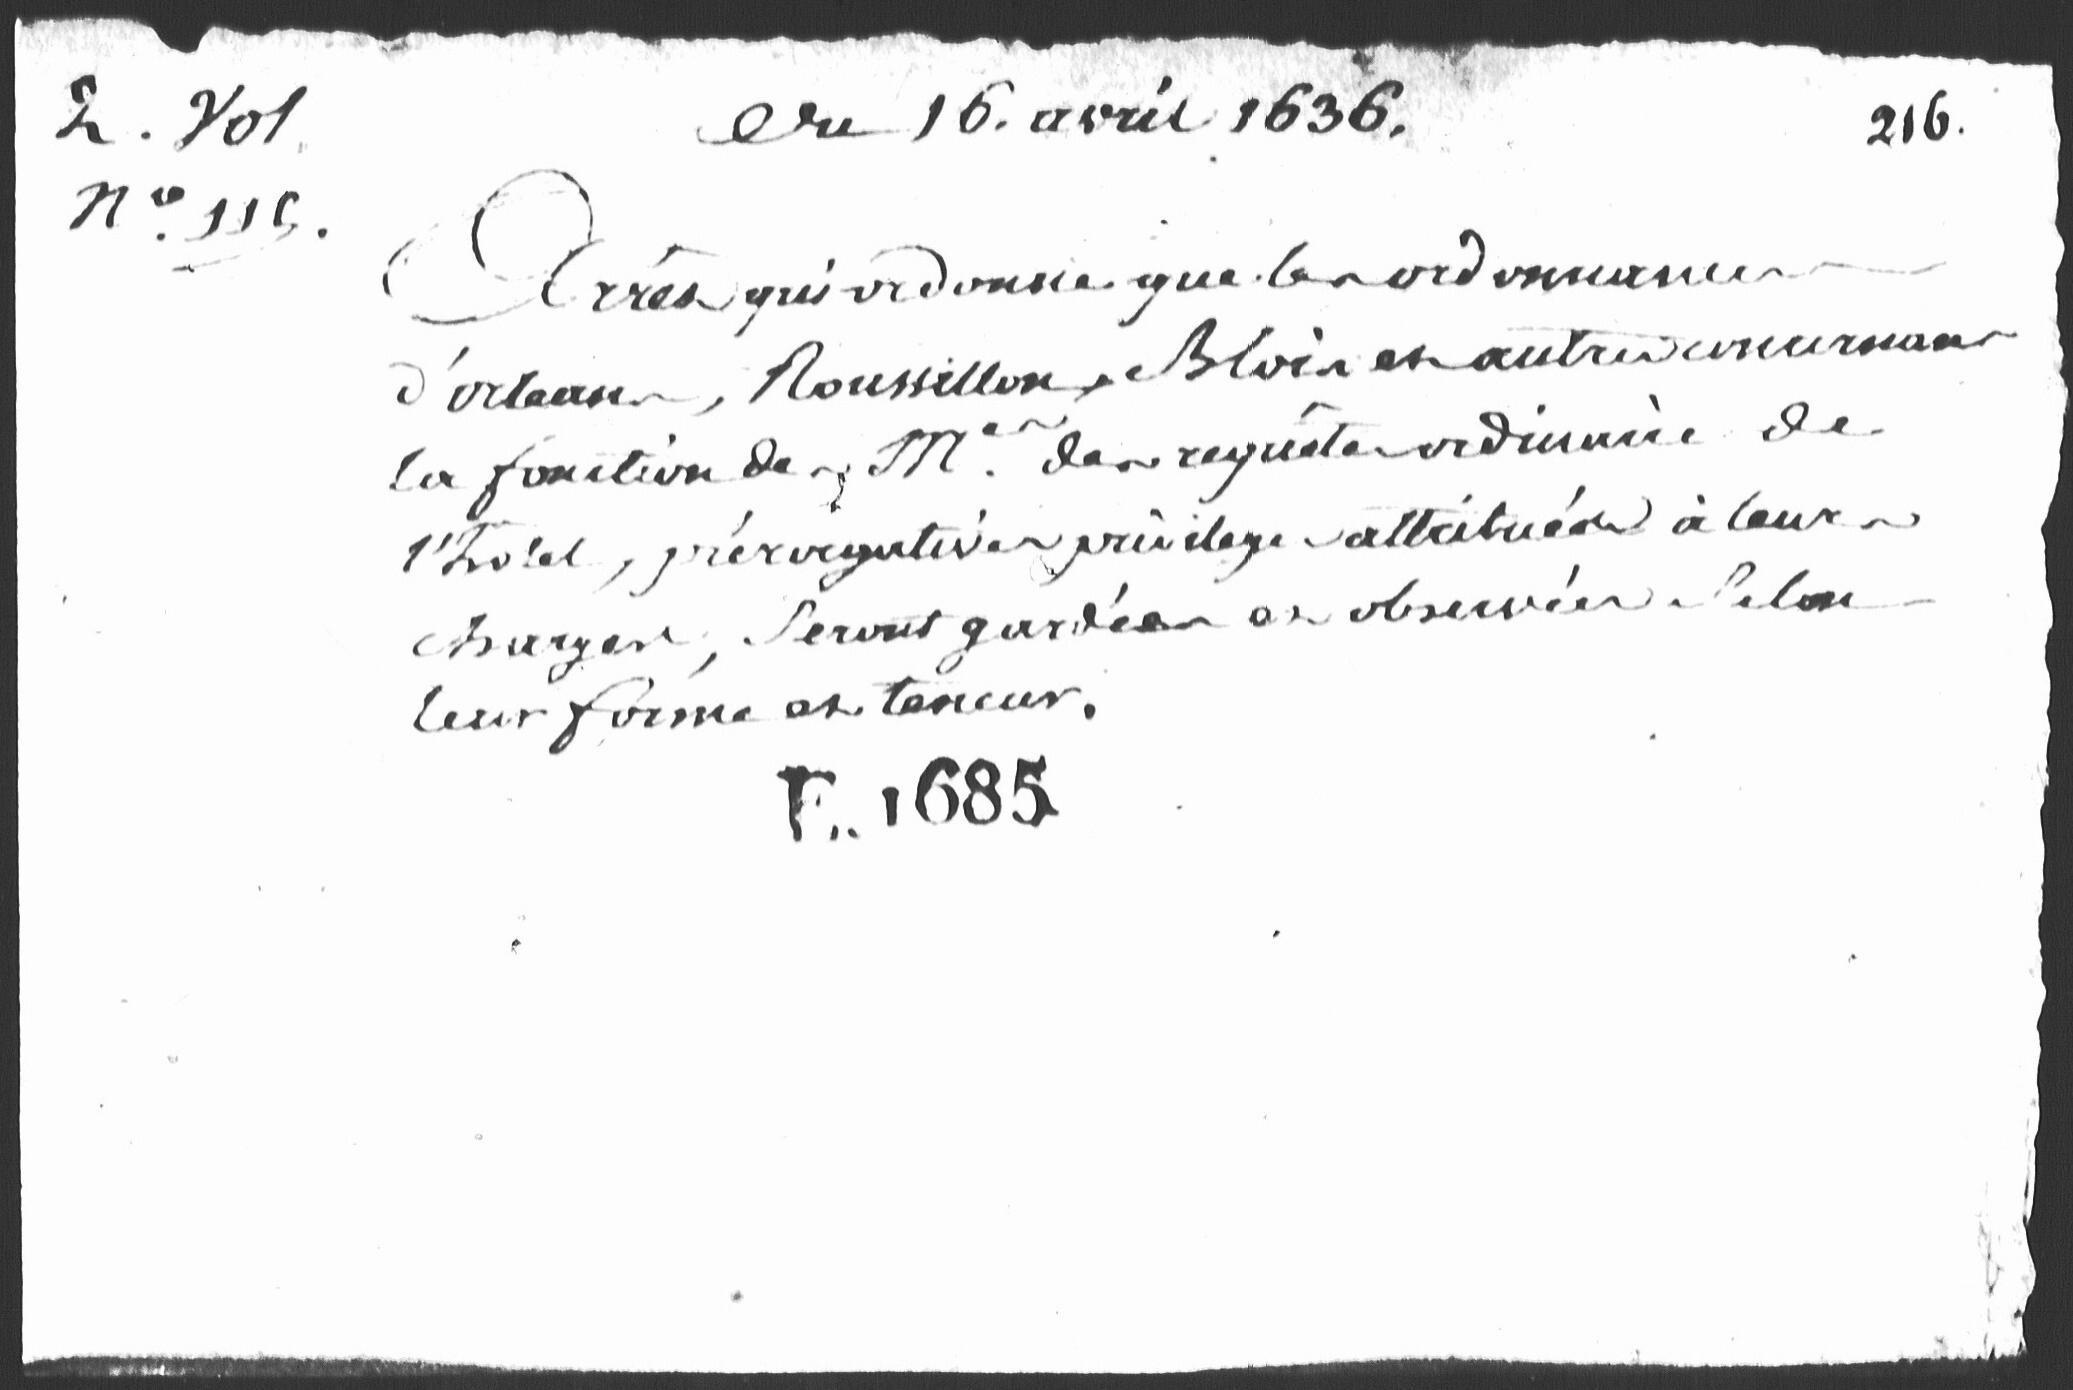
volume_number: n°115
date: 16 avril 1636
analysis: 216
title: Arrêt qui ordonne que les ordonnances d'Orleans, Roussillon, Blois et autres concernant la fonction des m.es des requêtes ordinaire de l'hôtel, prérogatives, privileges attribués à leurs charges, seront gardées et observées selon leur forme et teneur.
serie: E
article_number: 1685
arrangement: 2. vol.
